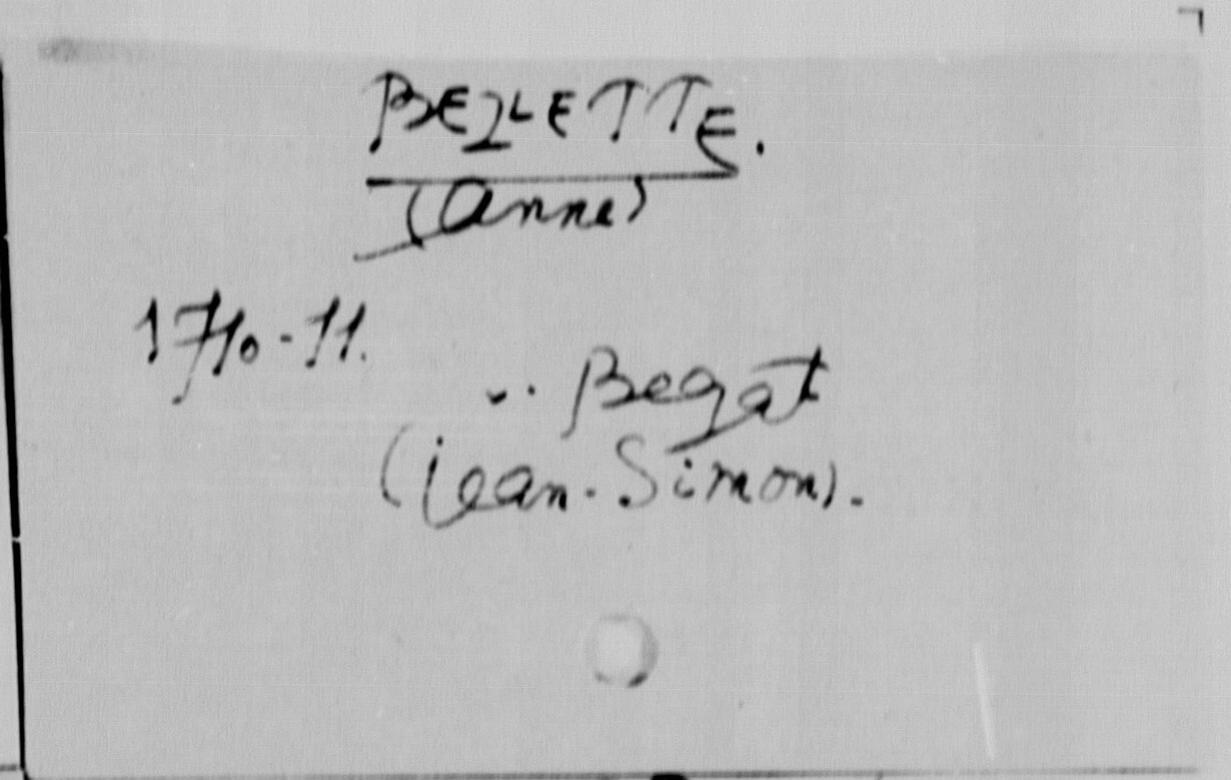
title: BELLETTE (Anne)
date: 1710-1711
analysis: Voir Begat (Jean-Simon)
